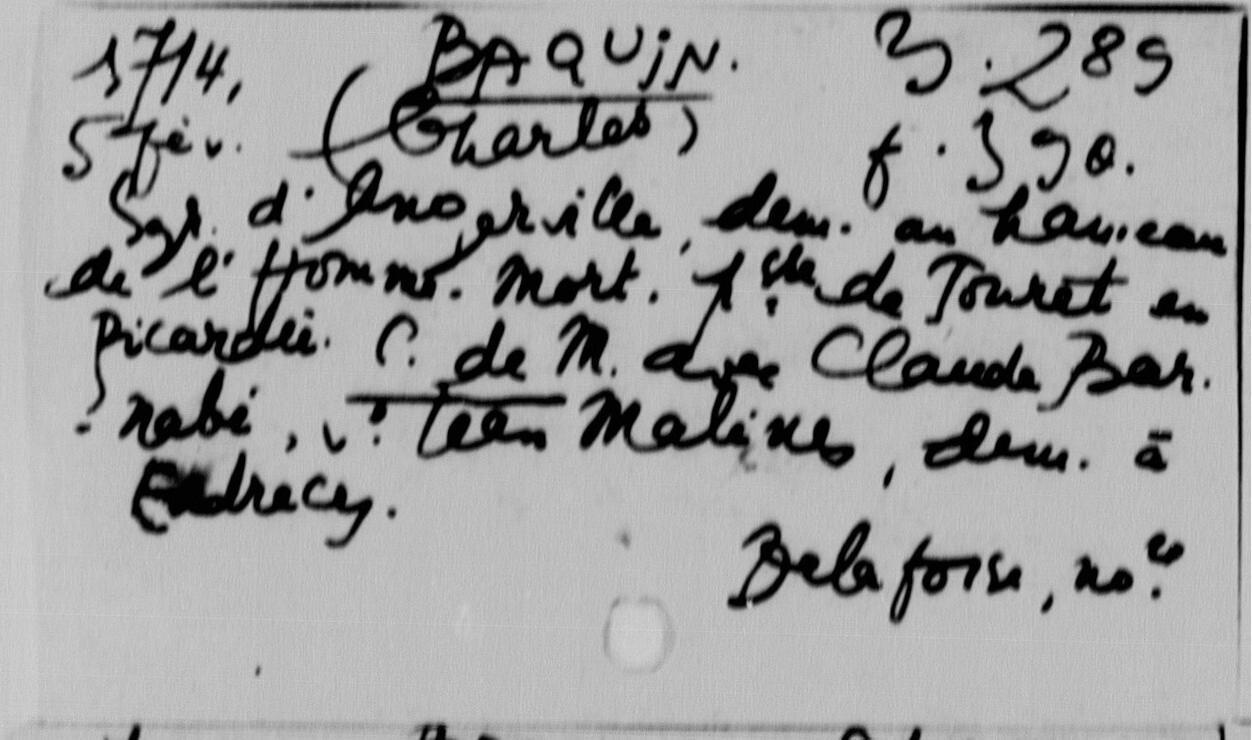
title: BAQUIN (Charles)
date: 1714
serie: Y
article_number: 289
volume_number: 390
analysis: Seigneur d'Angerville, demeurant au hameau de l'Homme-Mort, paroisse de Touret en Picardie Contrat de mariage avec Claude Barnabé, veuve Jean Malines, demeurant à Andrecy. Delafosse, notaire.
